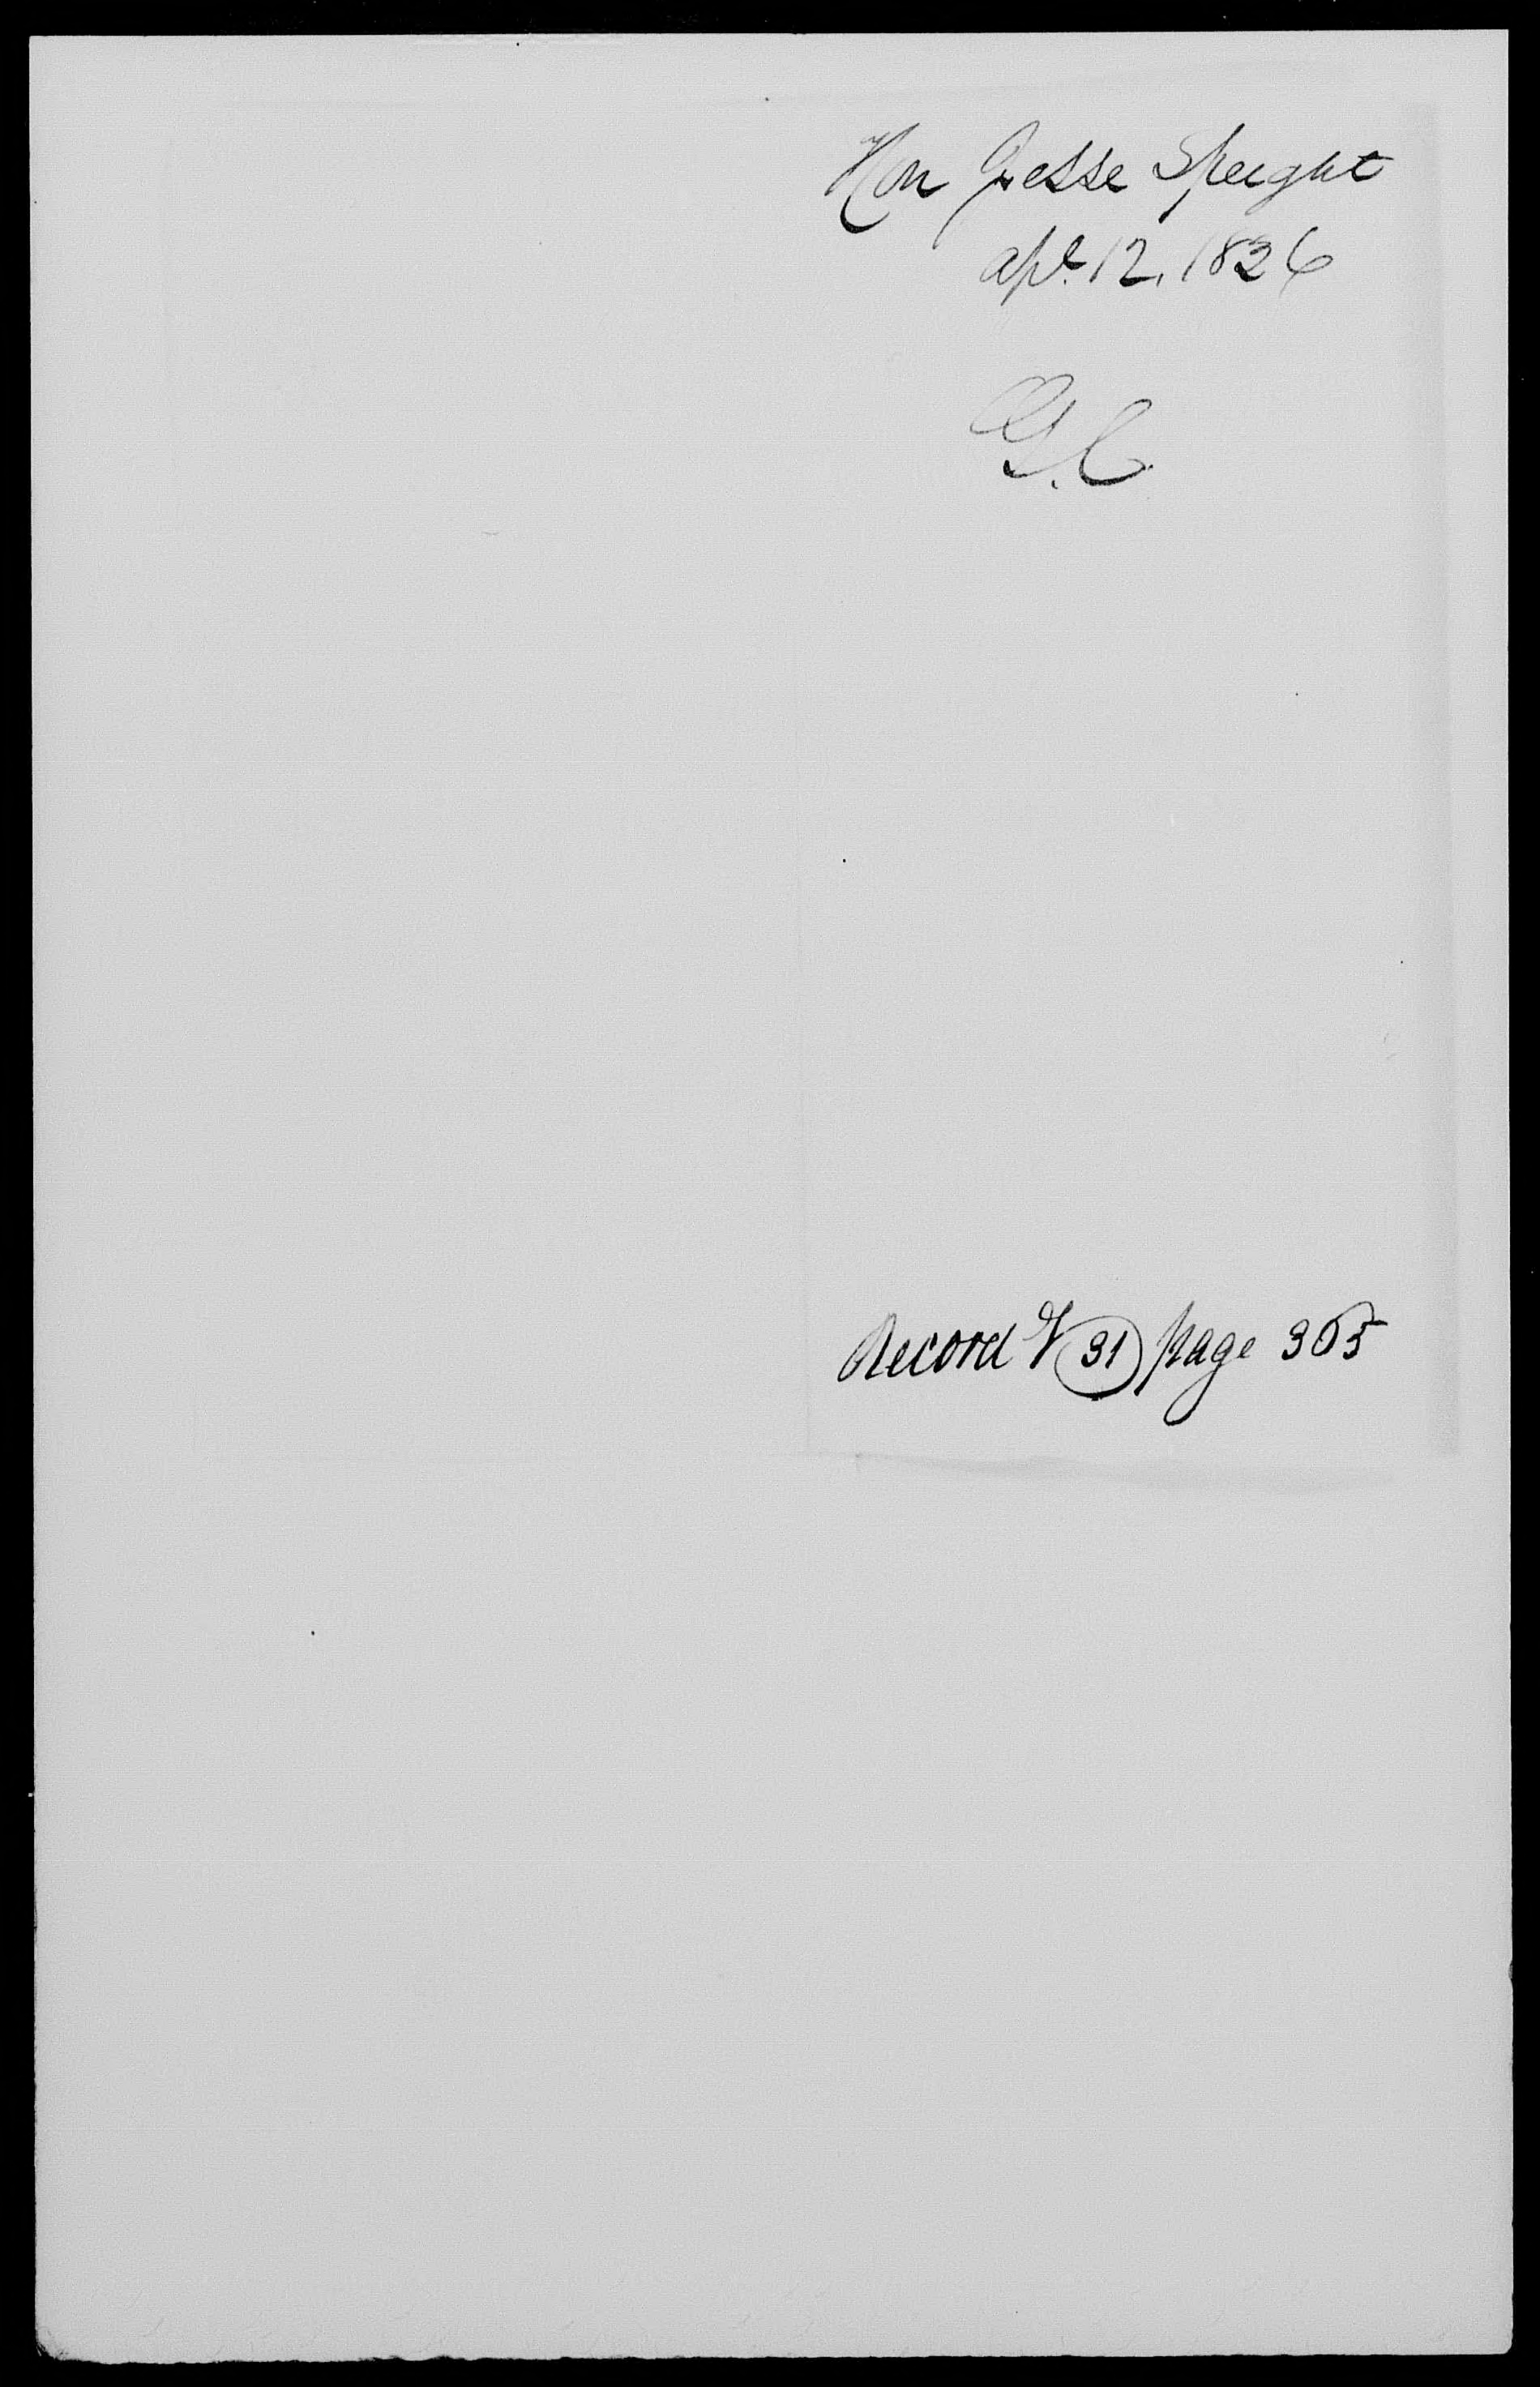Hon Jesse Speight
Apl. 12. 1836

G.C



Record of 31   page 305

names: Jesse Speight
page: 20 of 42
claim: survivor's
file: S. 6579, Henry Barnhill, N. C.